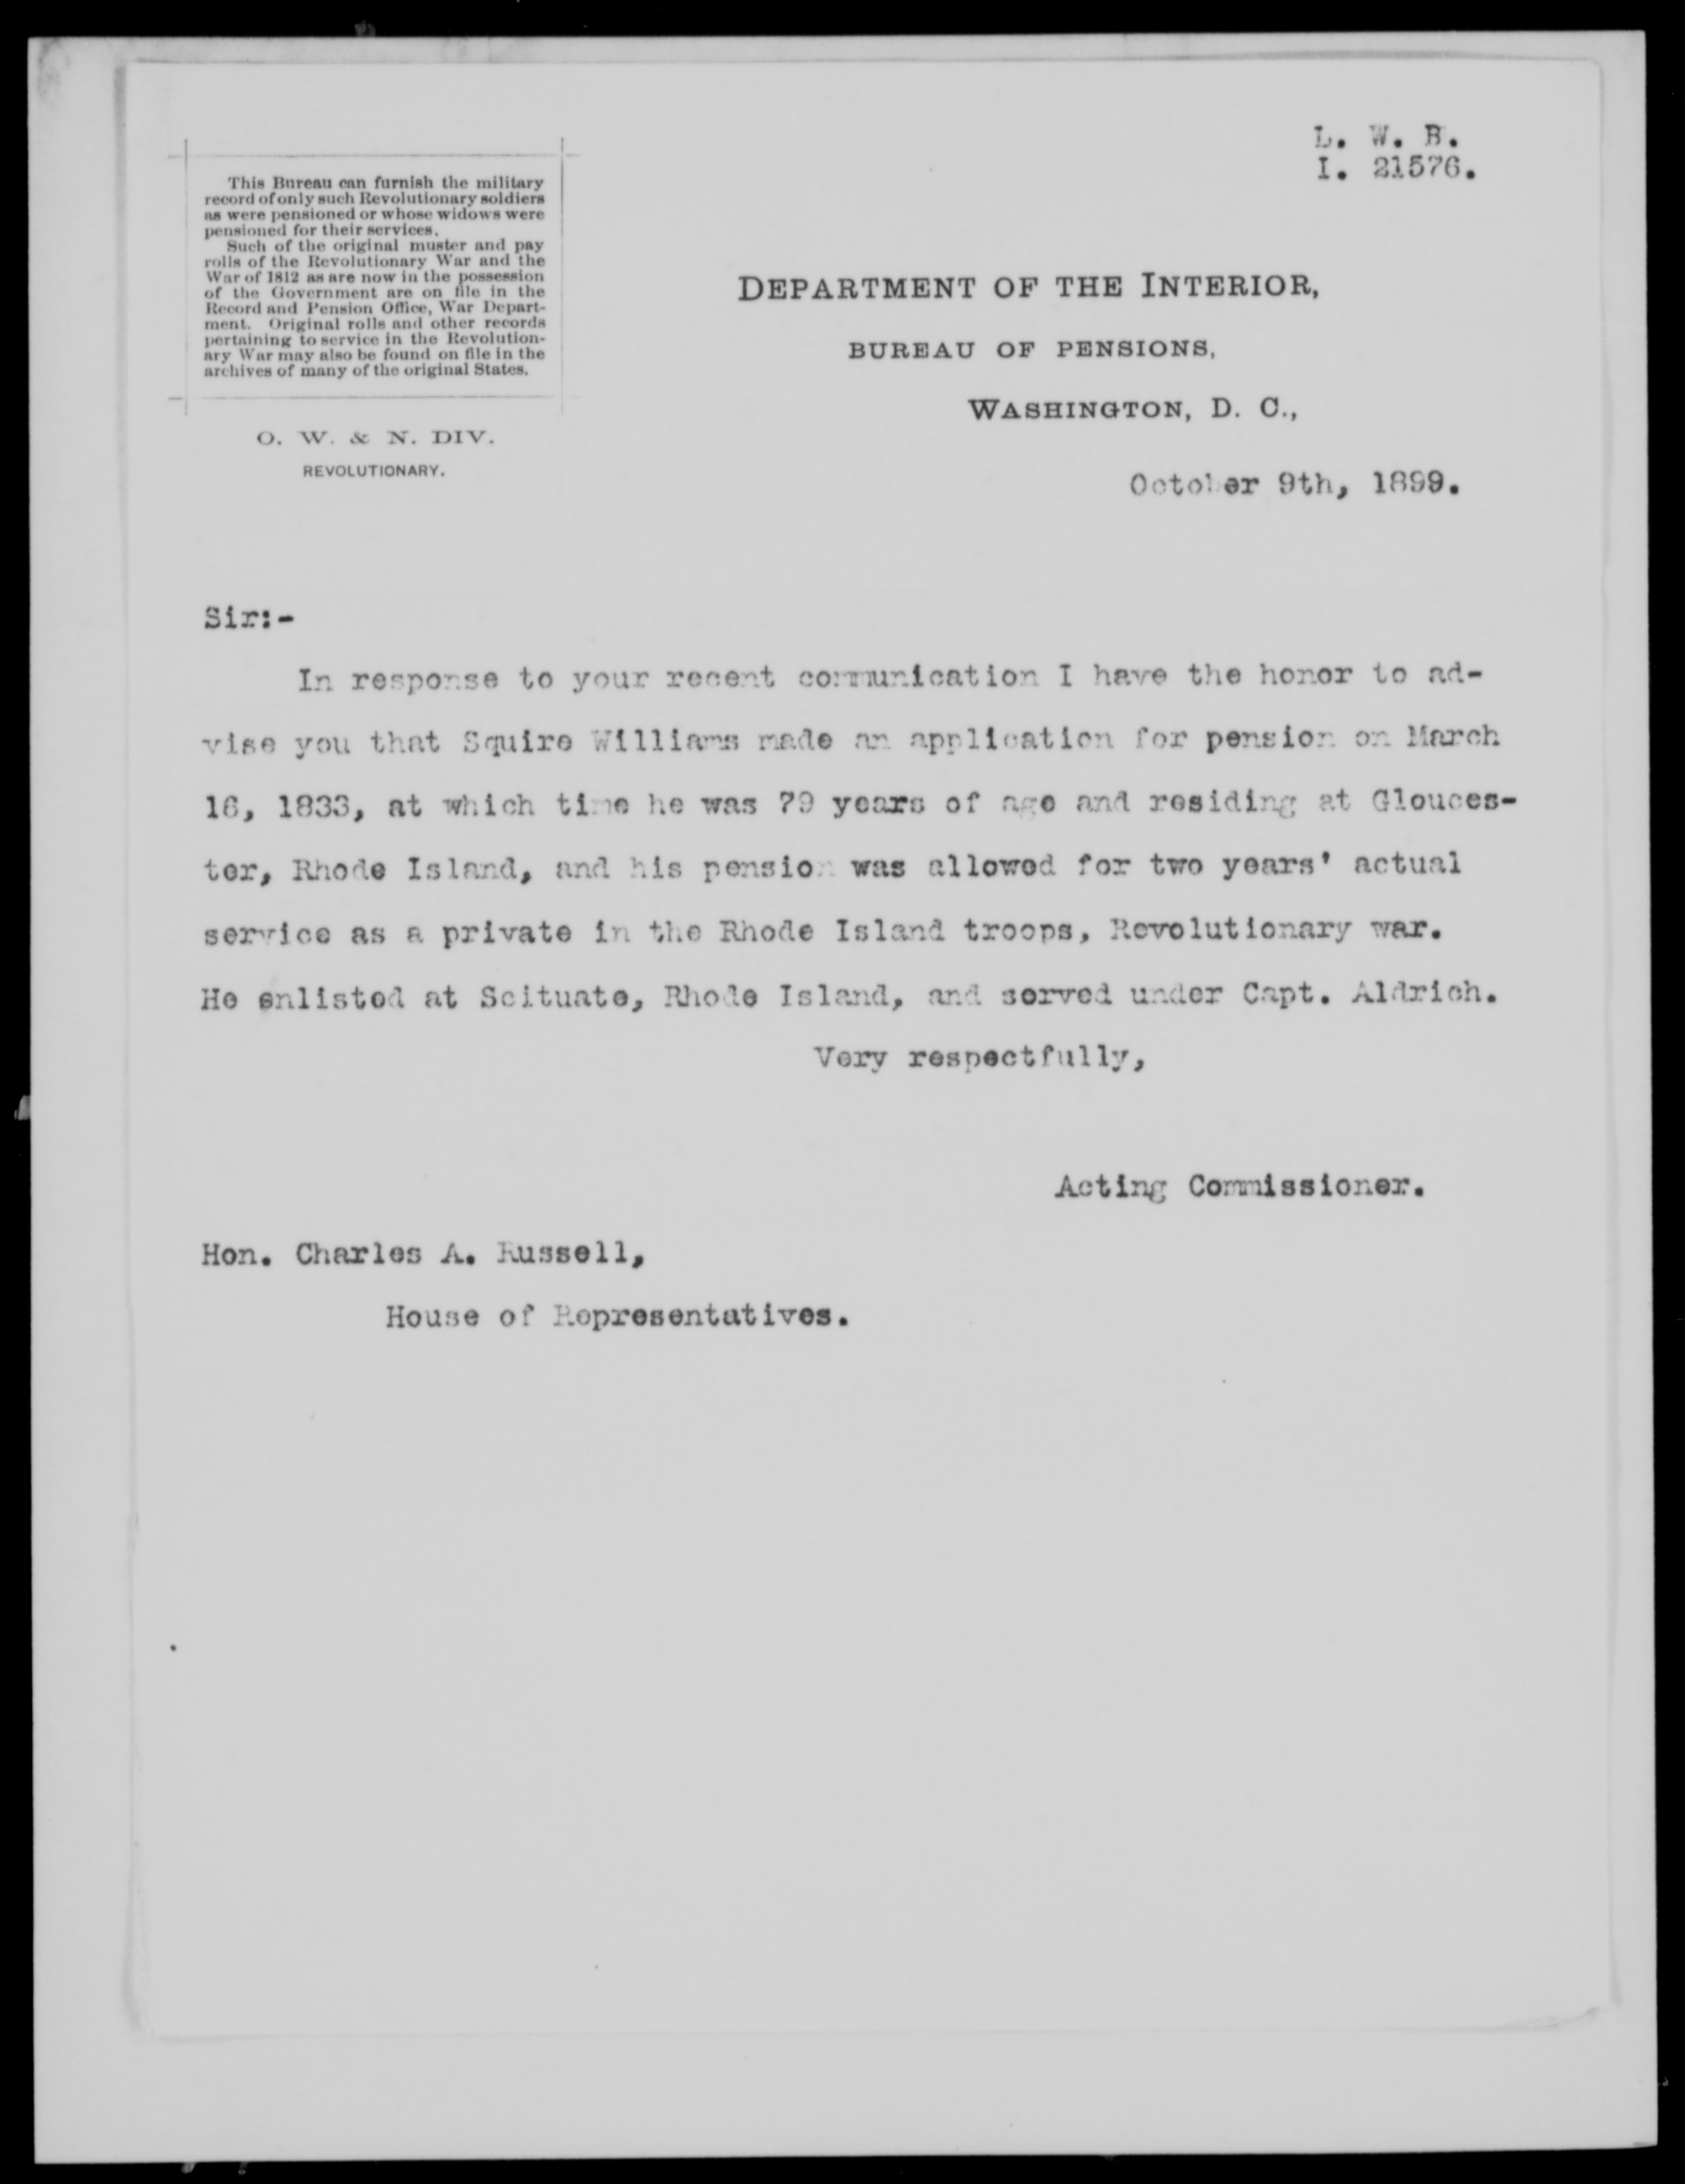L. W. B.
1. 21576.

This Bureau can furnish the military
record of only such Revolutionary soldiers
as were pensioned or whose widows were
pensioned for their services.
Such of the original muster and pay
rolls of the Revolutionary War and the
War of 1812 as are now in the possession
of the Government are on file in the
Record and Pension Office, War Department. 
Original rolls and other records
pertaining to service in the Revolutionary
War may also be found on file in the
archives of many of the original States.

DEPARTMENT OF THE INTERIOR,
BUREAU OF PENSIONS,
WASHINGTON, D.C.

O. W. & N. DIV.

REVOLUTIONARY.

DEPARTMENT OF THE INTERIOR,
BUREAU OF PENSIONS,
WASHINGTON, D. C.,

October 9th, 1899.

In response to your recent communication I have the honor to advise
you that Squire Williams made an application for pension on March 16, 1833, at which time he was 79 years of age and residing at Gloucester, Rhode Island, and his pension was allowed for two years' actual
service as a private in the Rhode Island troops, Revolutionary war.
He enlisted at Scituate, Rhode Island, and served under Capt. Aldrich.

Very respectfully,
Hon. Charles A. Russell,
House of Representatives.
Acting Commissioner.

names: Squire Williams, Charles A Russell, Aldrich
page: 14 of 23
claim: survivor's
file: S. 21576, Squire Williams, R. I.